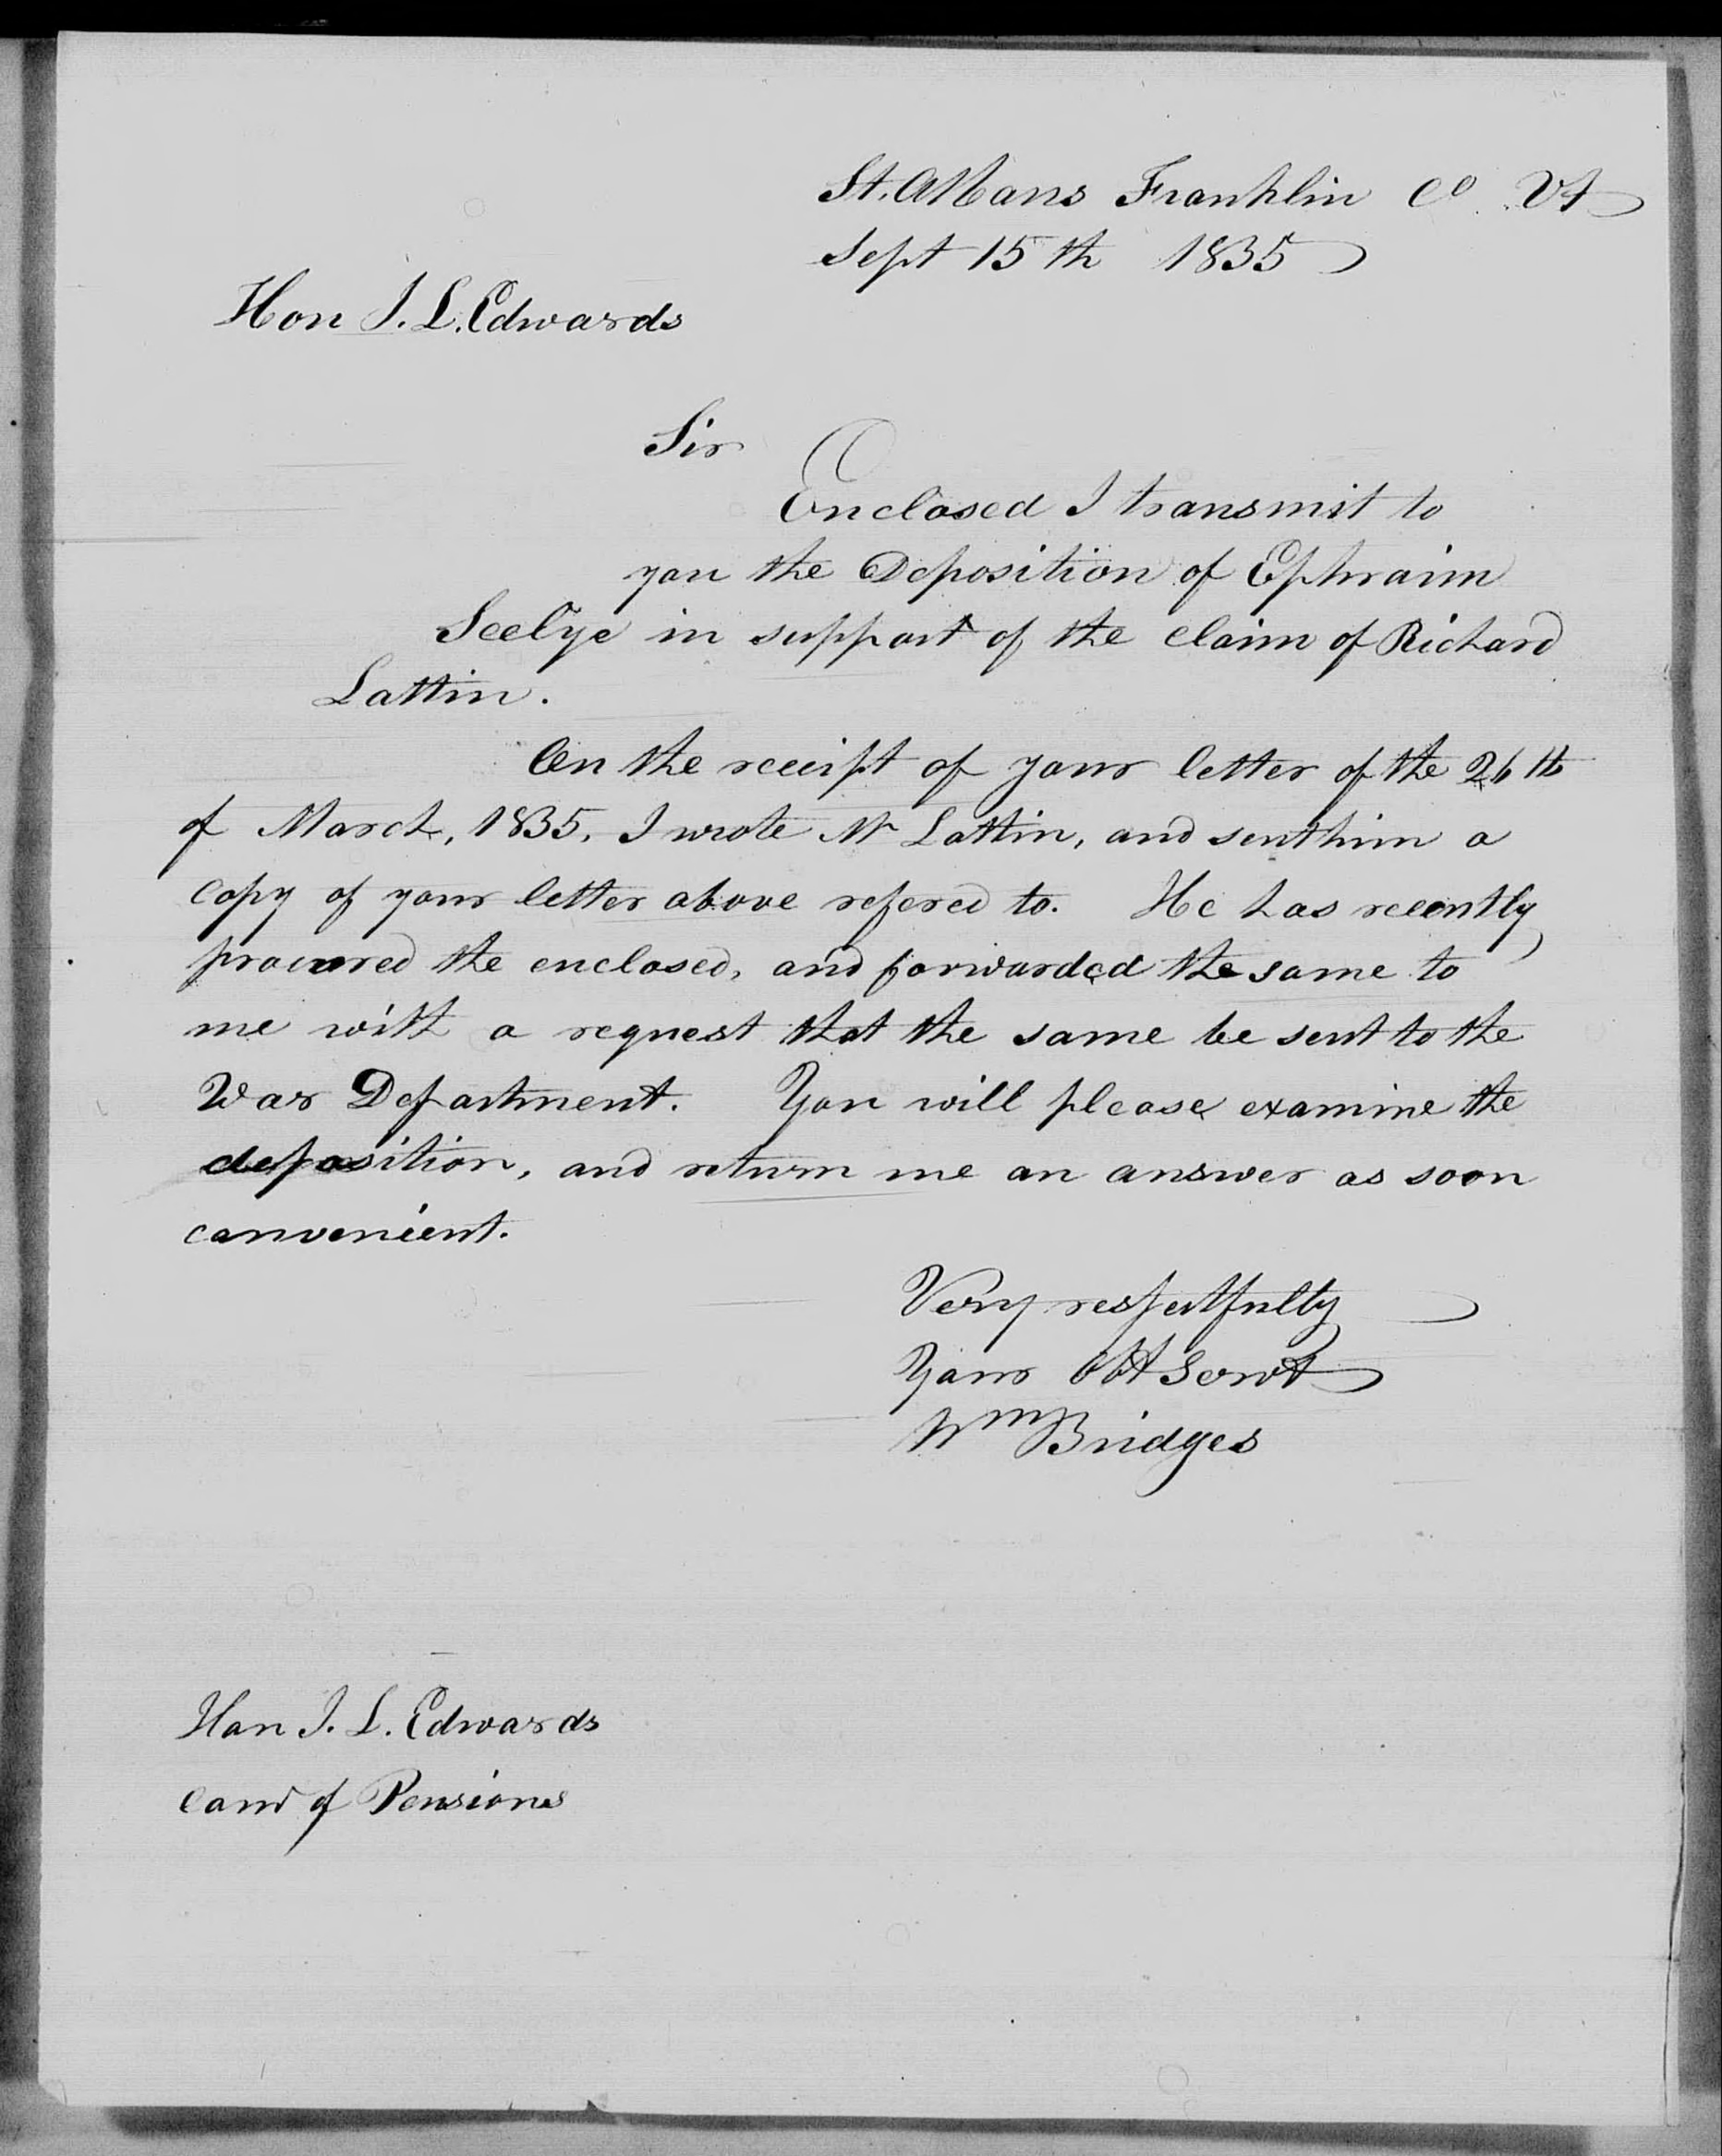St. Albans Franklin Co
Sept 15th 1835
Hon J.L. Edwards
Sir
Enclosed I transmit to you the Deposition
 of Ephraim Seelye in support of the claim
 of Richard Lattin.
On the receipt of your letter of the 26th
March, 1835, I wrote M Lattin, and sent him a
copy of your letter above refered to. He has recently
proved the enclosed, and forwarded the same to
one with a request that the same be sent to the
War Department. You will please examine the
deposition, and return me an answer as soon
convenient.
Very respectfully
Your Obt Servt
Wm Bridges

Hon J. L. Edwards
Com’r of Pensions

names: J L Edwards; Ephraim Seelye; Wm Bridges; Richard Lattin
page: 76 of 99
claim: widow's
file: W. 24,482, for Richard Lattin, Vermont